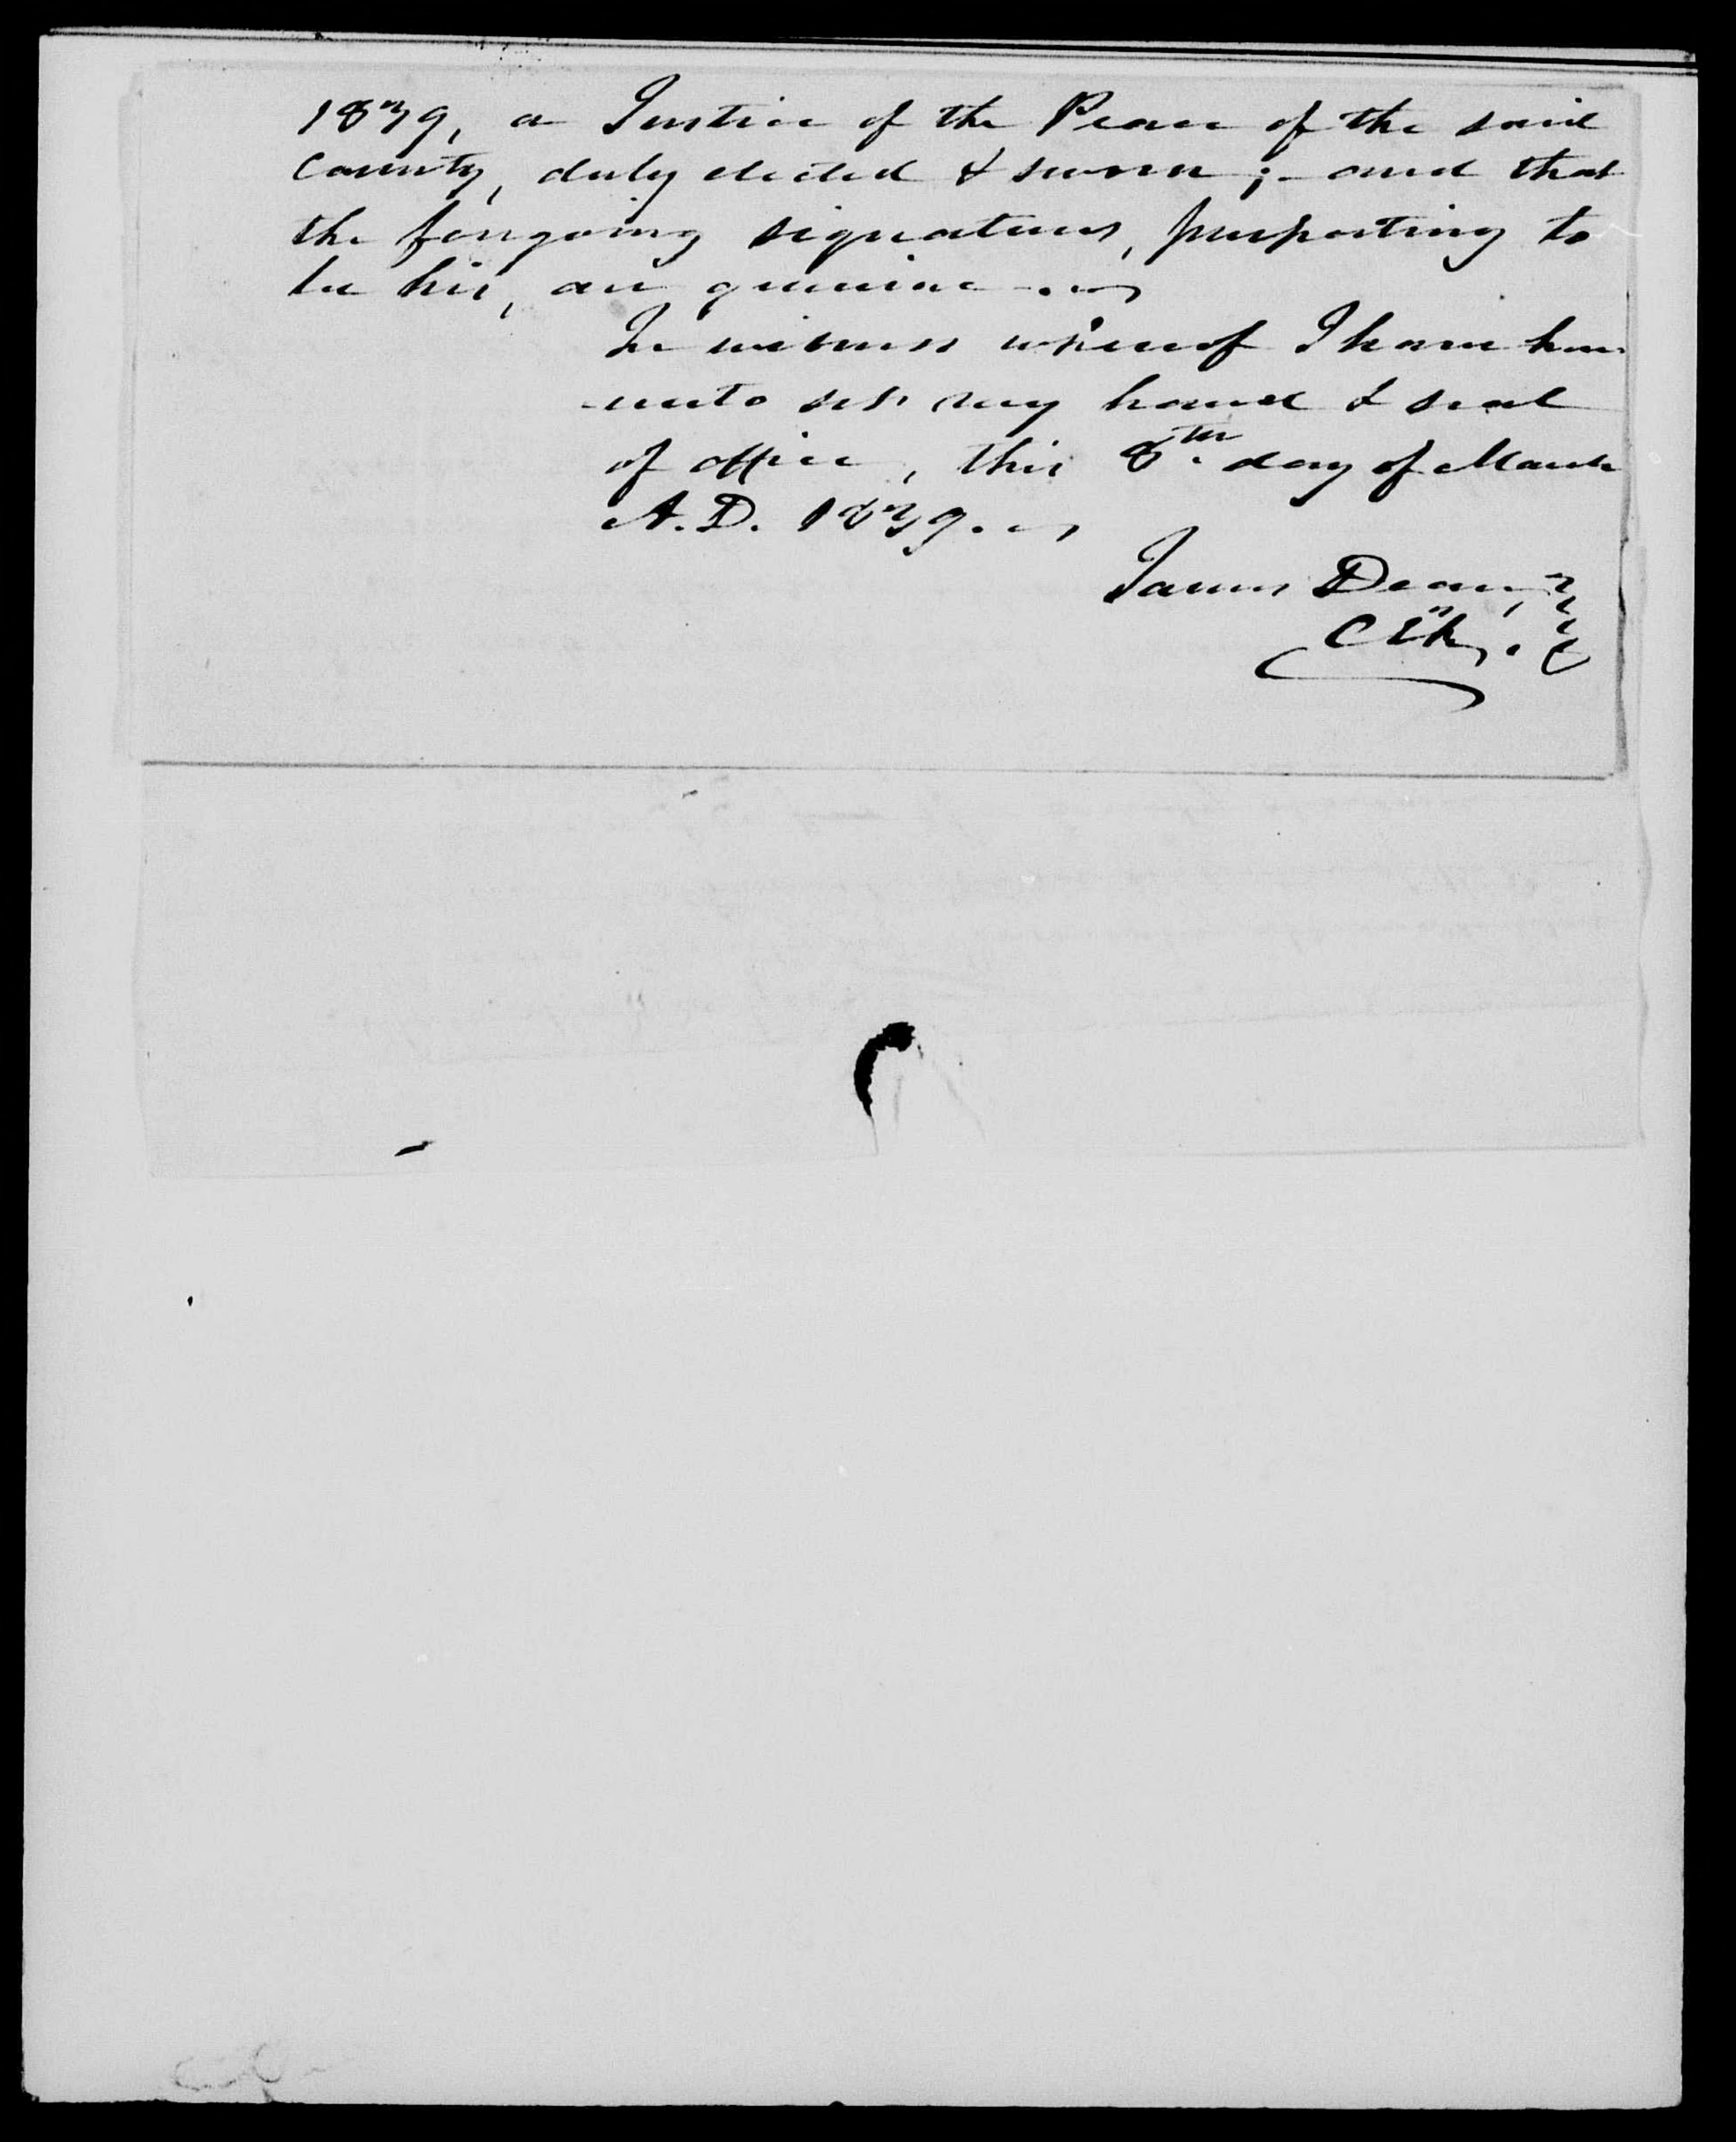1839, a Justice of the Peace of the said County, duly elected & sworn, and that the foregoing signatures, purporting to be his are genuine.
In witness whereof I have  hereunto set my hand & seal of office, this 8th day of March A.D. 1839
James Dean
Clk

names: James Dean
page: 32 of 38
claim: widow's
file: W. 23,381, Abner Hubbard, Continental Mass.